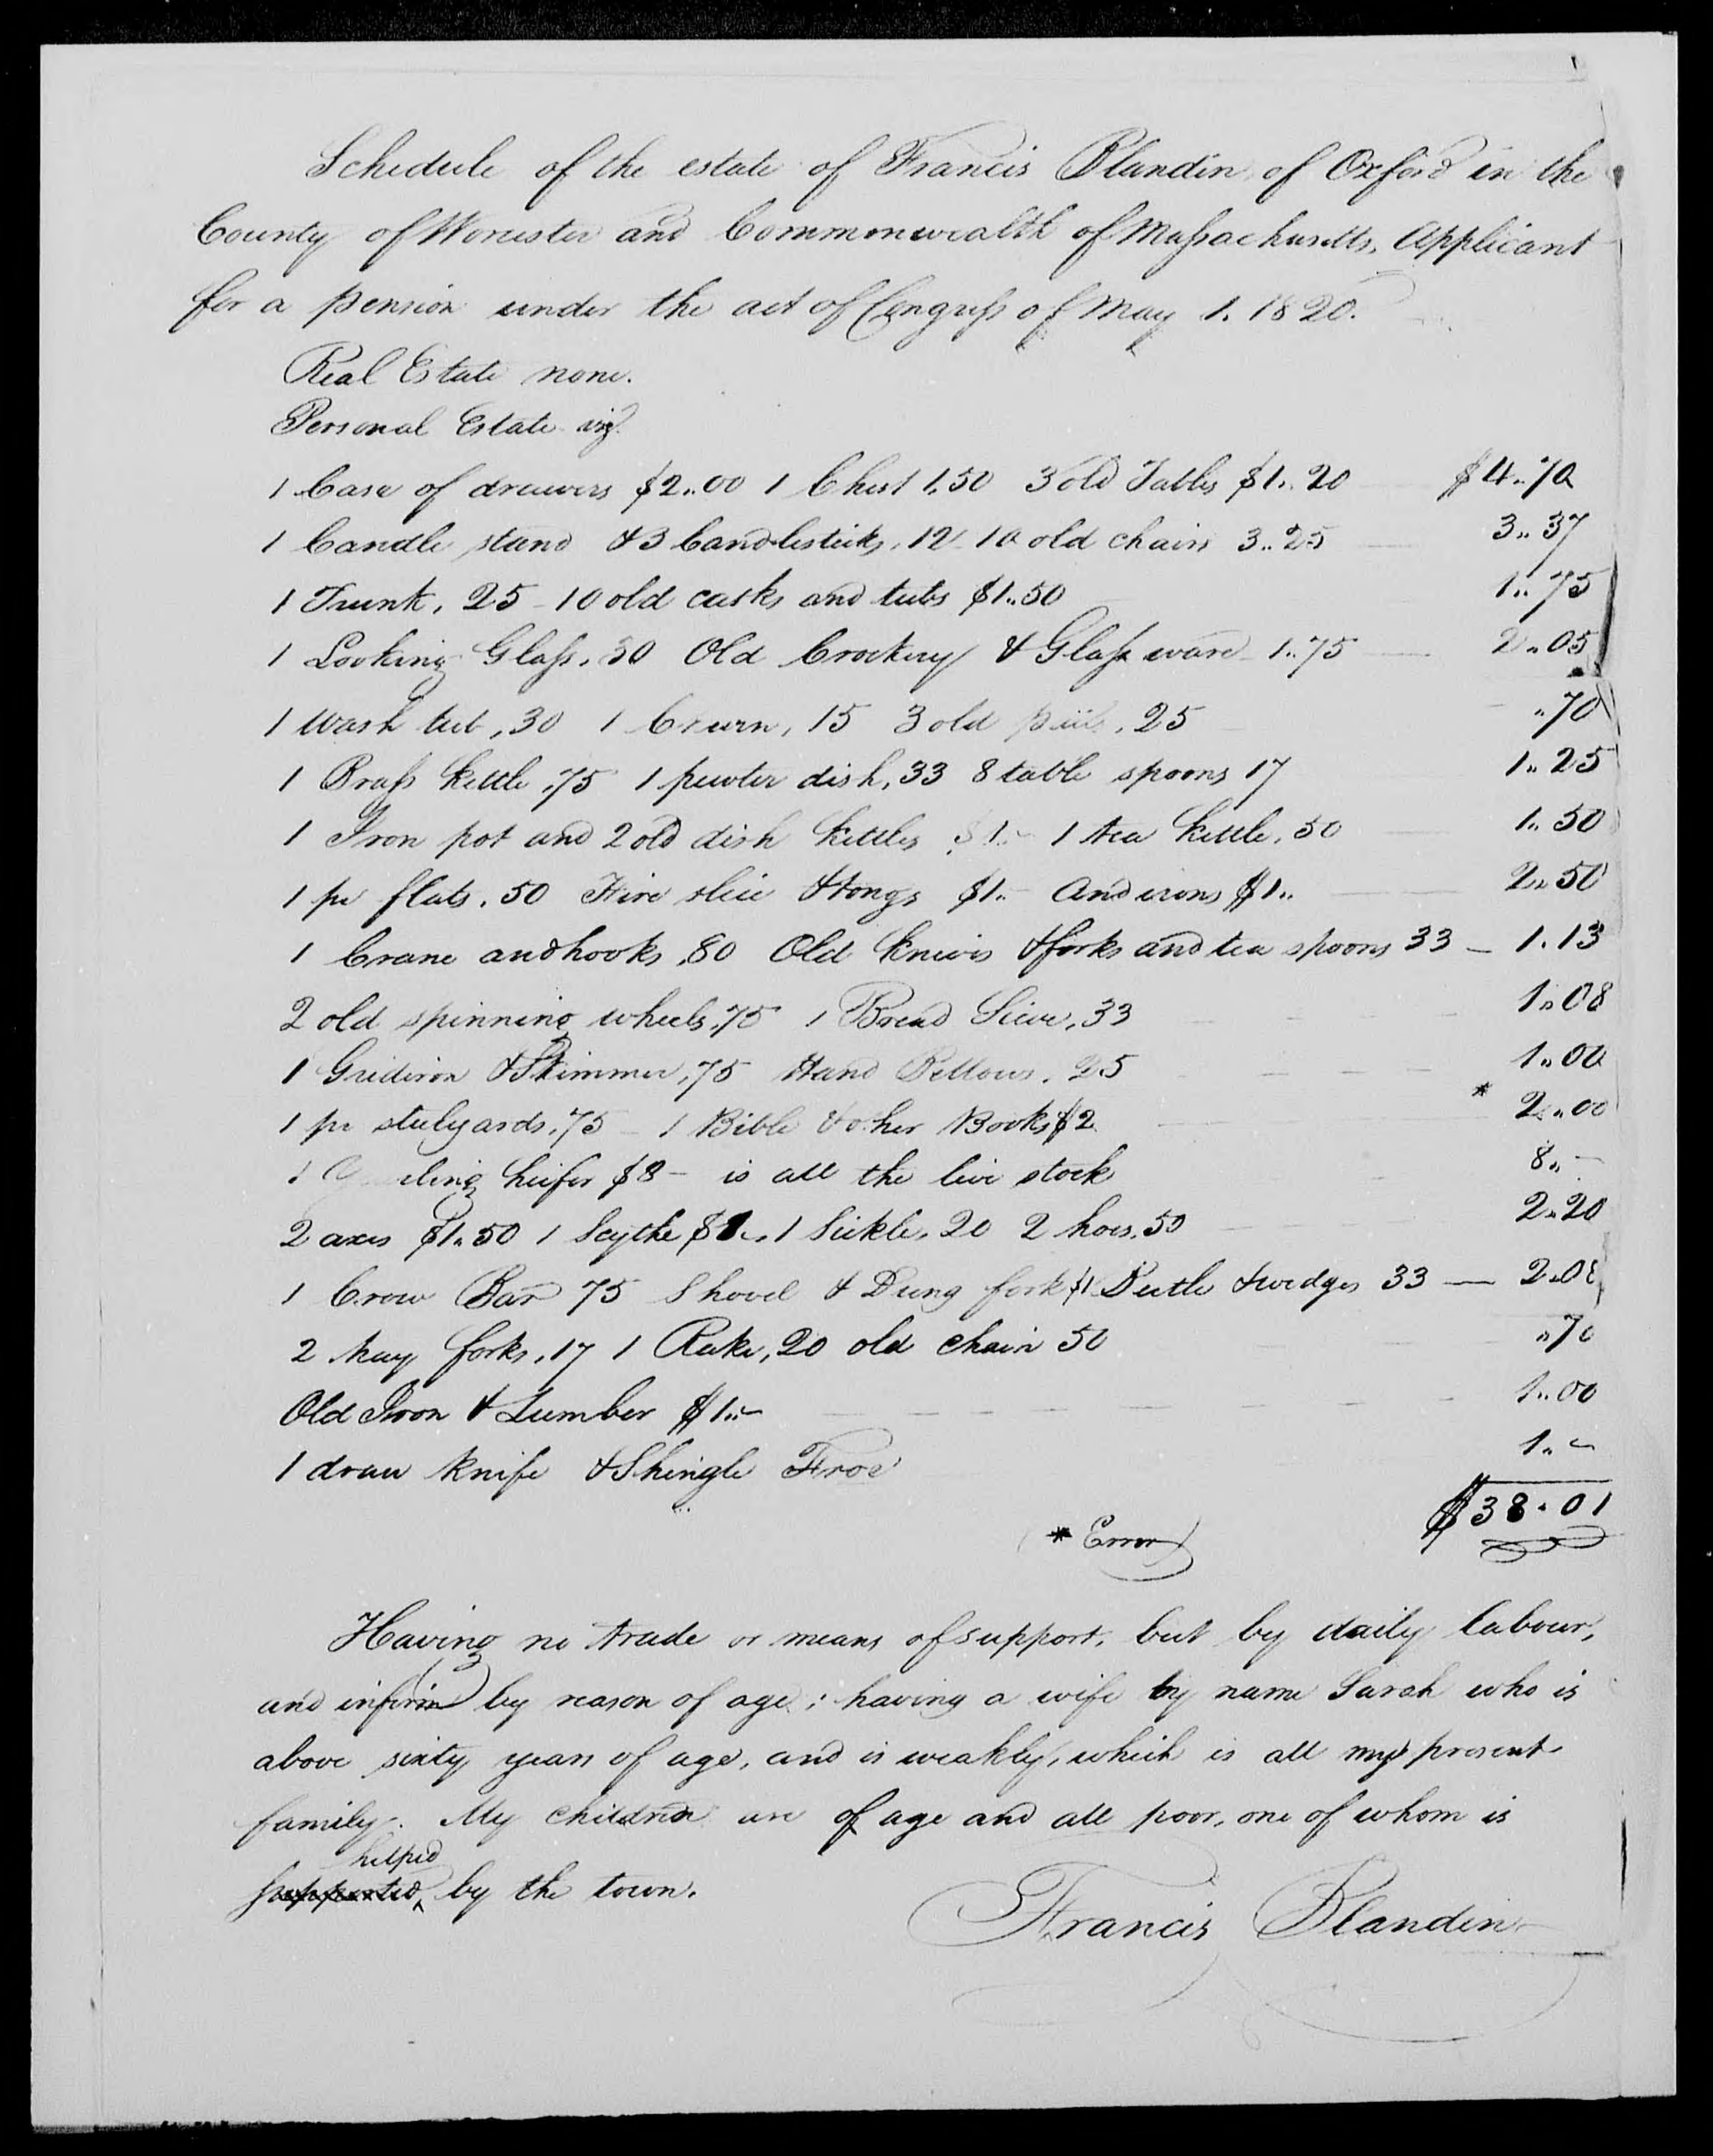Schedule of the estate of Francis Blandin of Oxford in the County of Worcester and Commonwealth of Massachusetts, Applicant for a pension under the act of Congress of May 1, 1820.

Real Estate none
Personal Estate viz
1 Case of Drawers $2.00 1 Chest 1.50 3 old Tables $1.20 ... $4.70
1 Candle stand & 3 Candlesticks, 12 10 old chairs 3.25.... 3.37
1 Trunk, .25- 10 old casks and tubs $1.50 .... 1.75
1 Looking Glass 50 old Crockery & Glassware- 1.75 .... 2.05
1 Wash tub, .30 1 Churn, 1.5 3 old pails, .25 ...  .70
1 Brass Kettle, .75, 1 pewter dish .33, 8 tablespoons .17 .... 1.25
1 iron pot and 2 old dish kettles, $1... 1 tea kettle .50 .... 1.50
1 pr flats .50, fire tongs $1, andirons $1 .... 2.50
1 crane and hook  .80, old knives and forks and teaspoons .33 .... 1.13
2 old spinning wheels  .75, bread sieve  .33 '.... 1.08
1 gridiron and skimmer  .75, hand bellows  .25 .... 1.00
1 pr stalyards .75, 1 Bible and other bookds $2 .... 2.00
1 heifer $8 - is all the livestock .... 8.00
2 axes  $1.50, 1 scythe and 1 sickle .20, 2 hoes  .50 .... 2.20
1 crow bar  .75, shovel and dung fork, $1, wedges .33 .... 2.08
2 hay forks  .17, 1 rake  .20, old chain  . 50 ....  .70
Old Iron & Lumber $1 .... 1.00
1 draw knife and shingle [ ] .... 1.00

(Total)  $38.01

Having no trade or means of support, but by daily labour, and infirm by reason of age; having a wife by name Sarah who is above sixty years of age, and is weakly, which is all my present
family. My children are of age and all poor, one of whom is helped  by the town

Francis Blandin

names: Sarah, Francis Blandin, Francis Blandin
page: 4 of 14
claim: survivor's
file: S. 34,049, Francis Blandin, Mass.